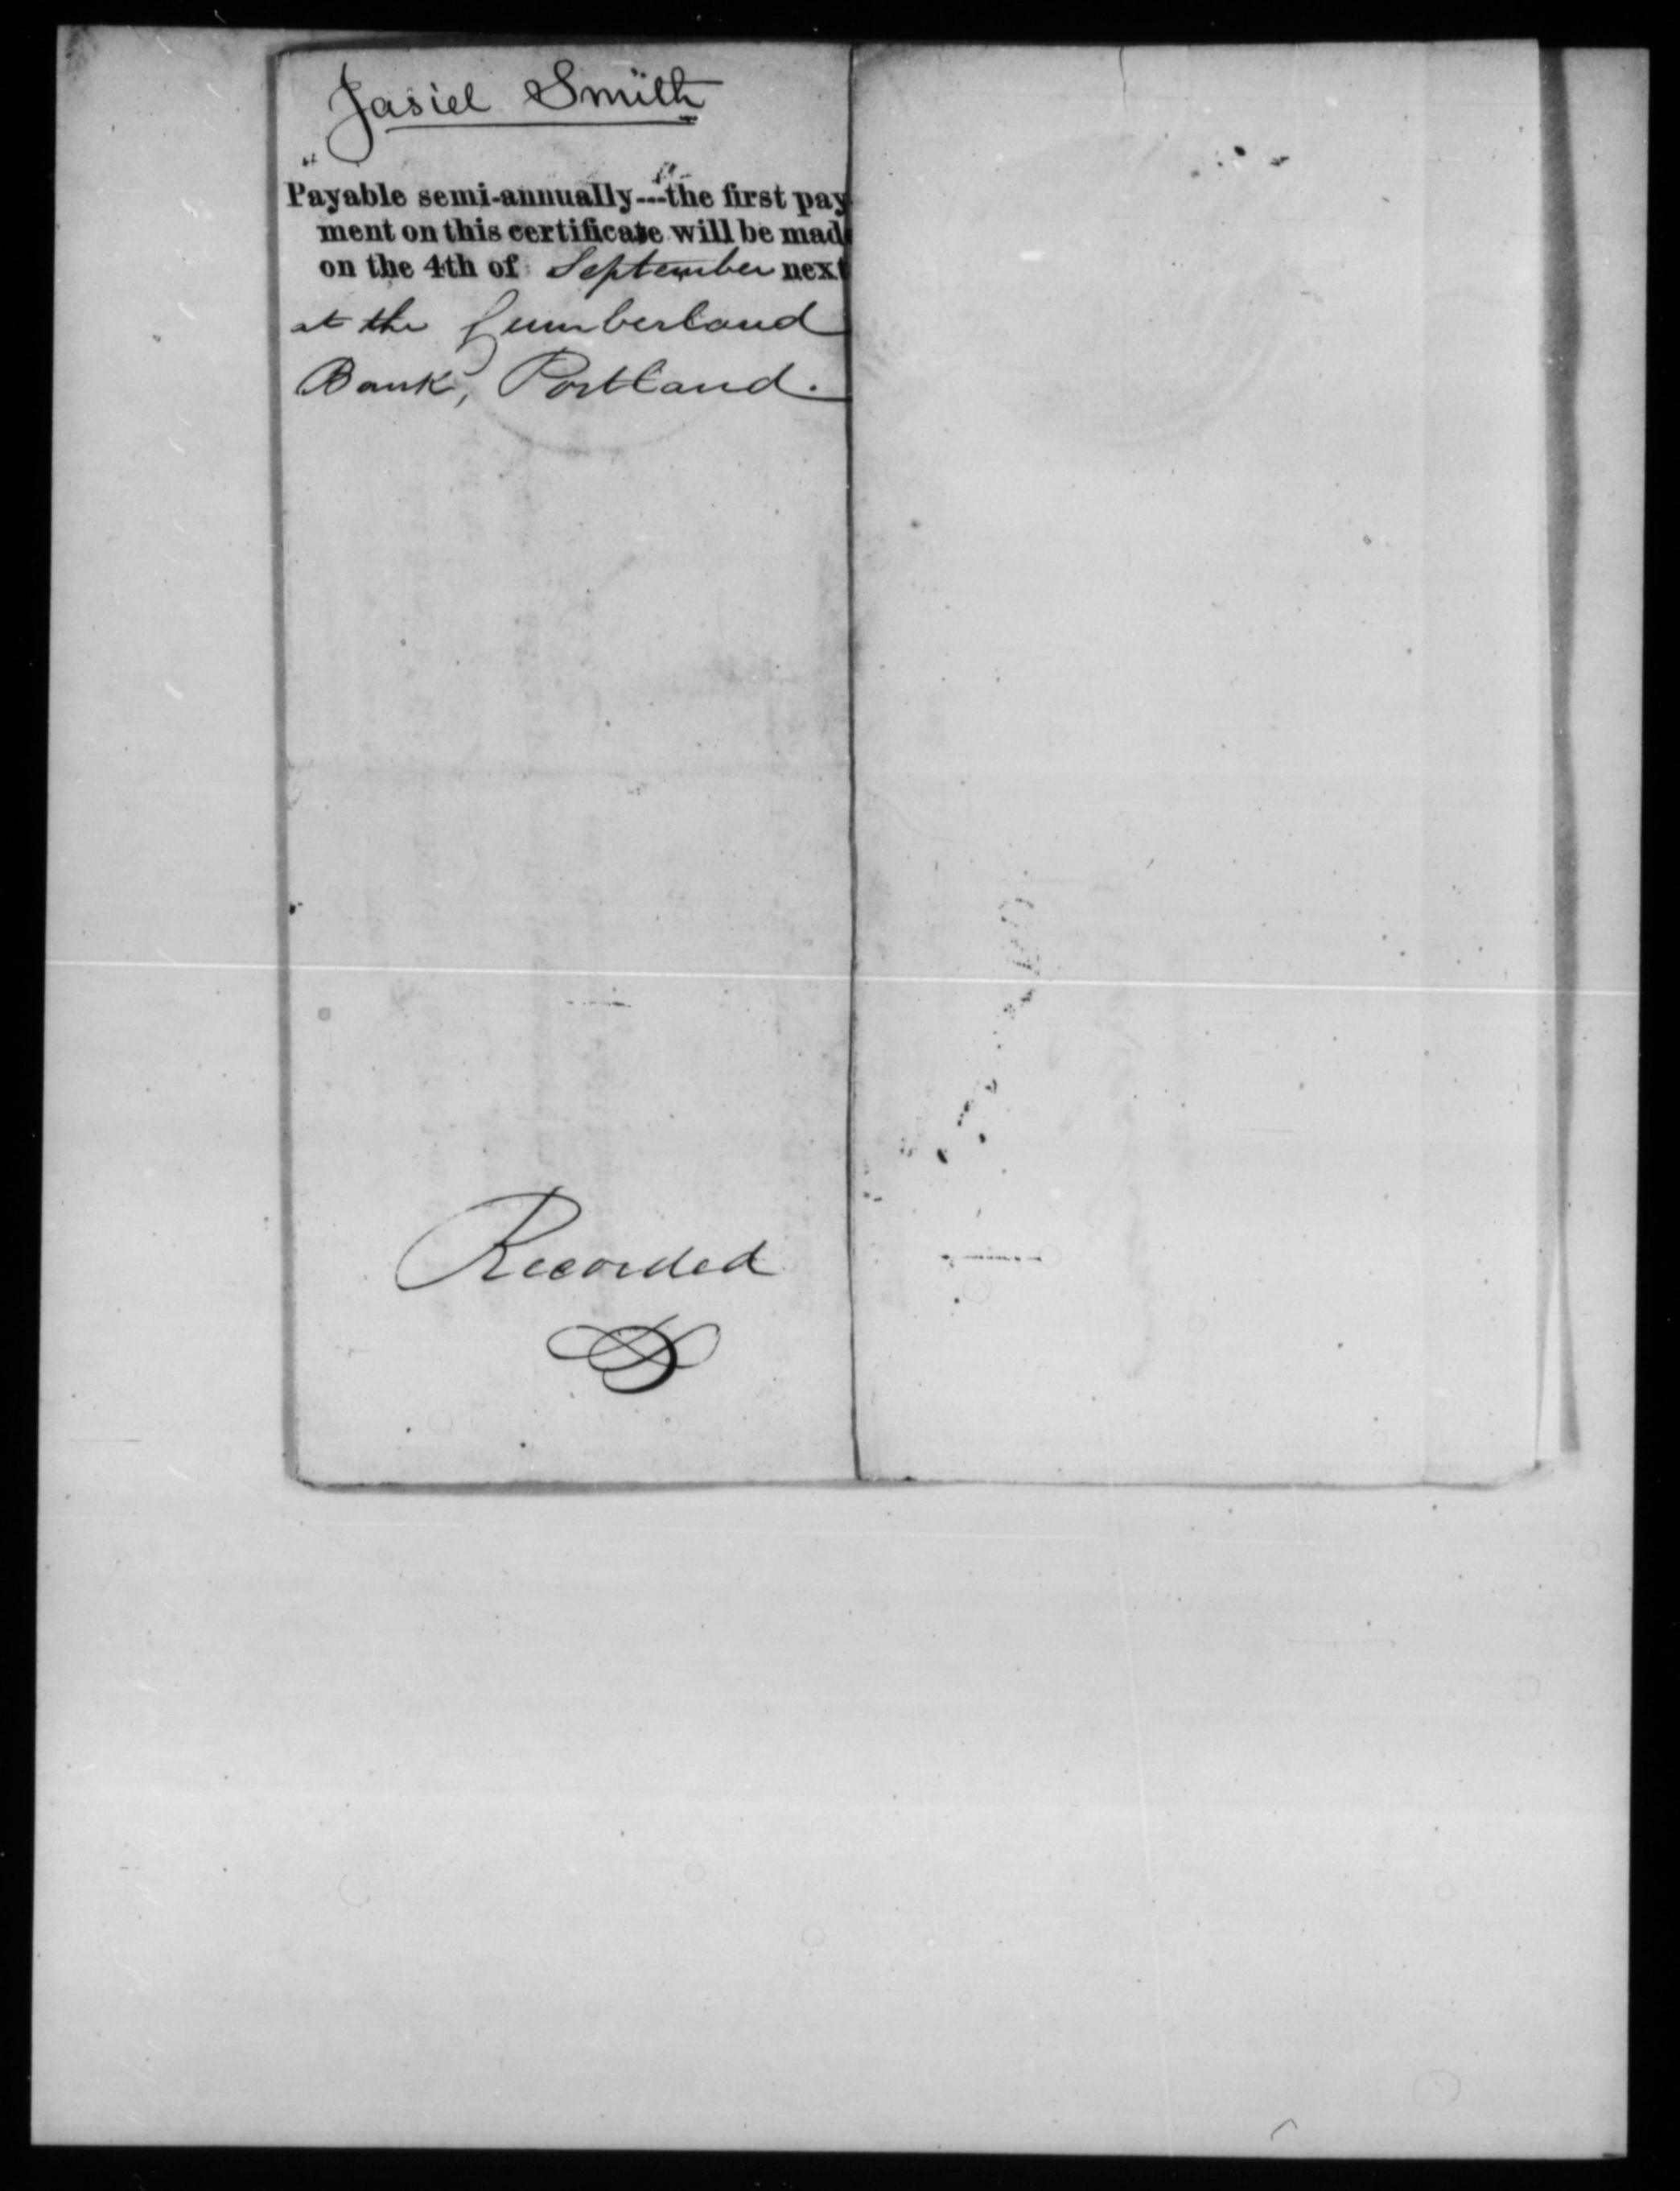Jasiel Smith
Payable semi-annually -- the first pay
ment on this certificate will be made
on the 4th of September next
at the Cumberlan┃
Bank, Portland
Recorded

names: Jasiel Smith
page: 8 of 20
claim: widow's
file: W 2362, for Jasiel Smith, Massachusetts